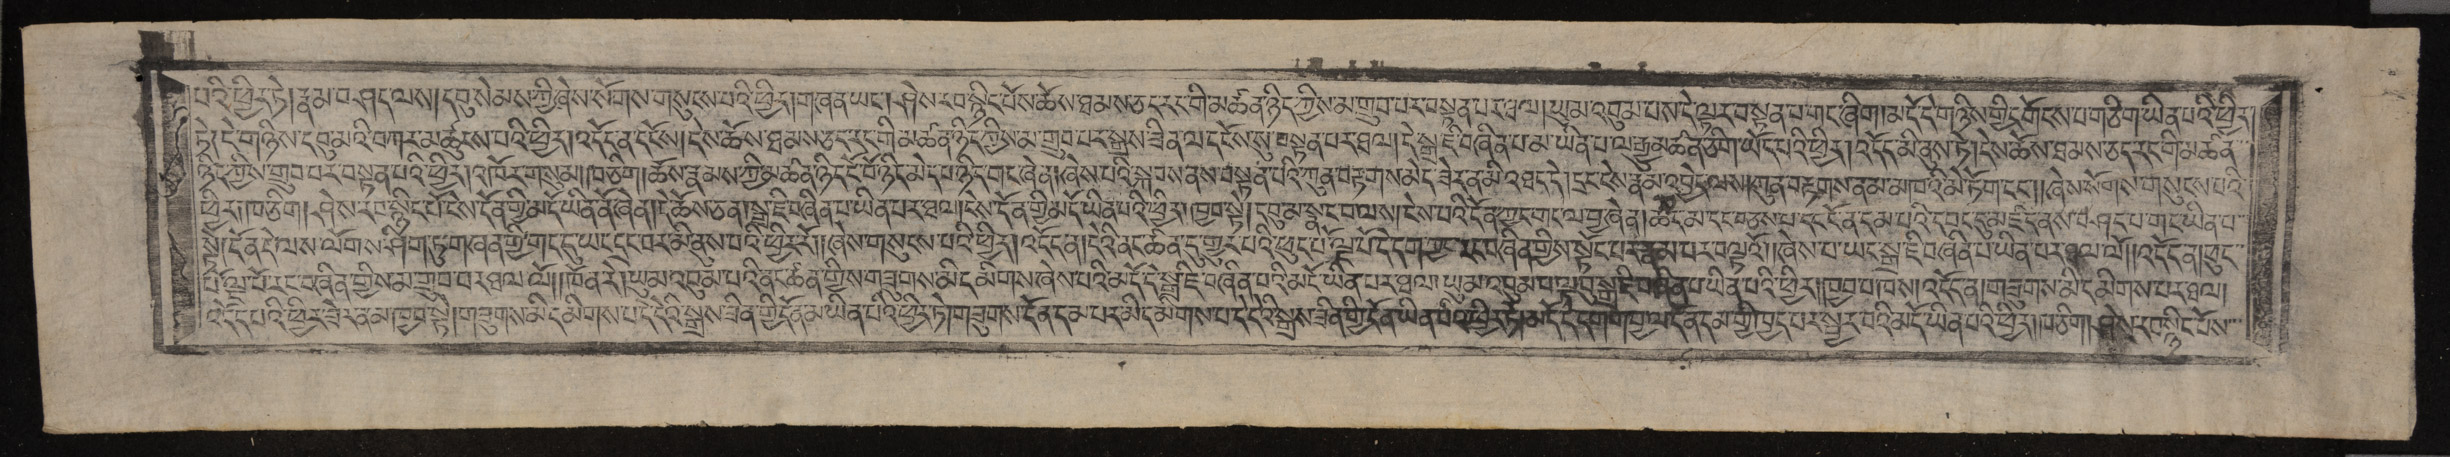པའི་ཕྱིར་ཏེ། རྣམ་བཤད་ལས། དབུ་སེམས་ཀྱི་ཞེས་སོགས་གསུངས་པའི་ཕྱིར། གཞན་ཡང་། ཤེས་རབ་སྙིང་པོས་ཆོས་ཐམས་ཅད་རང་གི་མཚན་ཉིད་ཀྱིས་མ་གྲུབ་པར་བསྟན་པར་ཐལ། ཡུམ་འབུམ་པས་དེ་ལྟར་བསྟན་པ་གང་ཞིག །མདོ་དེ་གཉིས་ཀྱི་དགོངས་པ་གཅིག་ཡིན་པའི་ཕྱིར་
ཏེ། དེ་གཉིས་དབུ་མའི་བཀར་མཚུངས་པའི་ཕྱིར། འདོད་ན་དངོས། དེས་ཆོས་ཐམས་ཅད་རང་གི་མཚན་ཉིད་ཀྱིས་མ་གྲུབ་པར་སྒྲས་ཟིན་ལ་དངོས་སུ་བསྟན་པར་ཐལ། དེ་སྒྲ་ཇི་བཞིན་པ་མ་ཡིན་པ་ལ་རྒྱུ་མཚན་ཅིག་ཡོད་པའི་ཕྱིར། འདོད་མི་ནུས་ཏེ། དེས་ཆོས་ཐམས་ཅད་རང་གི་མཚན་
ཉིད་ཀྱིས་གྲུབ་པར་བསྟན་པའི་ཕྱིར། འཁོར་གསུམ། ཁ་ཅིག །ཆོས་རྣམས་ཀྱི་མཚན་ཉིད་ངོ་བོ་ཉིད་མེད་པ་ཉིད་གང་ཞེ་ན། ཞེས་པའི་སྐབས་ནས་བསྟན་པའི་ཀུན་བརྟགས་མེད་ཟེར་ན་མི་འཐད་དེ། དྲང་ངེས་རྣམ་འབྱེད་ལས། ཀུན་བརྟགས་ནམ་མཁའི་མེ་ཏོག་དང་། །ཞེས་སོགས་གསུངས་པའི་
ཕྱིར། ཁ་ཅིག། ཤེས་རབ་སྙིང་པོ་ངེས་དོན་གྱི་མདོ་ཡིན་ནོ་ཞེ་ན། དེ་ཆོས་ཅན། སྒྲ་ཇི་བཞིན་པ་ཡིན་པར་ཐལ། ངེས་དོན་གྱི་མདོ་ཡིན་པའི་ཕྱིར། ཁྱབ་སྟེ། དབུ་མ་སྣང་བ་ལས། ངེས་པའི་དོན་ཀྱང་གང་ལ་བྱ་ཞེ་ན། ཚད་མ་དང་བཅས་པ་དང་དོན་དམ་པའི་དབང་དུ་མཛད་ནས་བཤད་པ་གང་ཡིན་པ་
སྟེ། དོན་དེ་ལས་ལོགས་ཤིག་ཏུ་གཞན་གྱི་གང་དུ་ཡང་དྲང་བར་མི་ནུས་པའི་ཕྱིར་རོ། །ཞེས་གསུངས་པའི་ཕྱིར། འདོད་ན། དེའི་ནང་ཚན་དུ་གྱུར་བའི་ཕུང་པོ་ལྔ་པོ་དེ་དག་ཀྱང་རང་བཞིན་གྱིས་སྟོང་པར་རྣམ་པར་བལྟའོ། །ཞེས་པ་ཡང་སྒྲ་ཇི་བཞིན་པ་ཡིན་པར་ཐལ་ལོ། །འདོད་ན། ཕུང་
པོ་ལྔ་པོ་རང་བཞིན་གྱིས་མ་གྲུབ་པར་ཐལ་ལོ། །ཁོ་ན་རེ། ཡུམ་འབུམ་པའི་ནང་ཚན་གྱིས་གཟུགས་མི་དམིགས་ཞེས་པའི་མདོ་དེ་སྒྲ་ཇི་བཞིན་པའི་མདོ་ཡིན་པར་ཐལ། ཡུམ་འབུམ་པ་ལྟ་བུ་སྒྲ་ཇི་བཞིན་པ་ཡིན་པའི་ཕྱིར། ཁྱབ་པ་ཁས། འདོད་ན། གཟུགས་མི་དམིགས་པར་ཐལ།
འདོད་པའི་ཕྱིར་ཟེར་ན་མ་ཁྱབ་སྟེ། གཟུགས་མི་དམིགས་པ་དེ་དེའི་སྒྲས་ཟིན་གྱི་དོན་མ་ཡིན་པའི་ཕྱིར་ཏེ། གཟུགས་དོན་དམ་པར་མི་དམིགས་པ་དེ་དེའི་སྒྲས་ཟིན་གྱི་དོན་ཡིན་པའི་ཕྱིར་ཏེ། མདོ་དེ་དགག་བྱ་ལ་དོན་དམ་གྱི་ཁྱད་པར་སྦྱར་བའི་མདོ་ཡིན་པའི་ཕྱིར། ཁ་ཅིག །ཤེས་རབ་སྙིང་པོས་